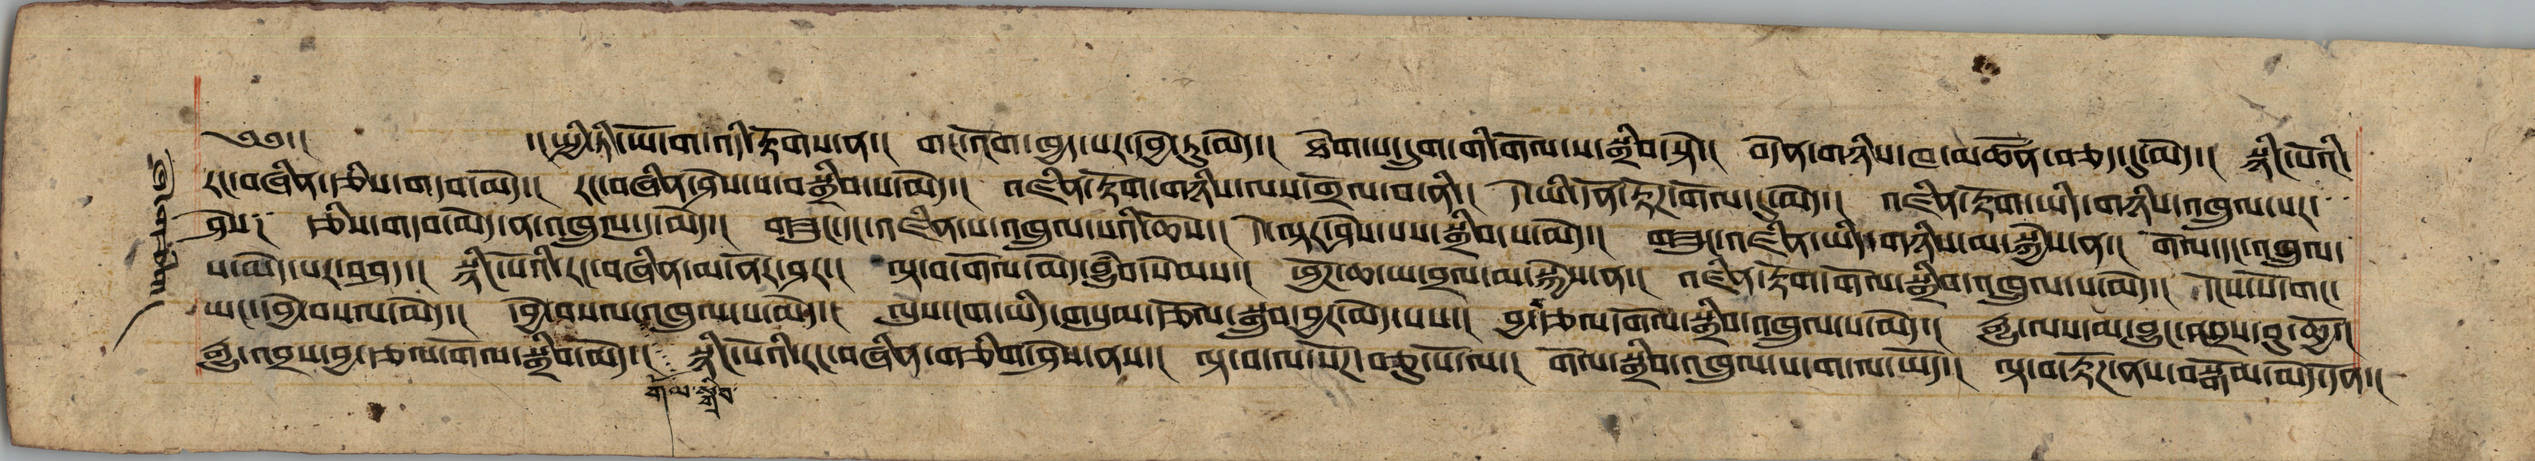༄༅་། ་།སྤྱི་ཏི་ཡོ་ག་འདི་རྟོགས་ན་། གང་འོག་ཁྱད་པར་དབྱེ་རུ་མེད་། ཐེག་པ་དྲུག་གི་གོལ་ས་སྒྲིབ་སྟེ་། བདེན་གཉིས་ཁ་མཚོན་བཅད་དུ་མེད་། སྙིང་པོའི་
རང་བཞིན་རྩིས་གདབ་མེད་། རང་བཞིན་ཤེས་པ་བསྒྲིབ་པ་མེད་། འཛིན་རྟོག་གཉིས་ལས་གྲོལ་བ་ནི་། དེ་ཡི་དོན་རྟོཌ་གོལ་དུ་མེད་། འཛིན་རྟོག་ཡིད་གཉིས་འཁྲུལ་པར་
ཤེས༑ རྩིས་གདབ་མེད་ན་འཁྲུལ་དུ་མེད་། གཟུང་དང་འཛིན་པ་འཁྲུལ་པའི་ཆོས་། དེ་ལྟར་ཤེས་པས་སྒྲིབ་པམེད་། གཟུང་འཛིན་ཡིད་གཉིས་མ་སྐྱེས་ན་། གོལ་དང་འཁྲུལ་
པ་ཞེད་པར་བཤད་། སྙིང་པོའི་རང་བཞིན་མ་ནོར་ཤར་། ལྟ་བ་གོལ་མེད་བྱུཾབ་སེམས་། ཕྱོཌ་ཆ་ཡ་བྲལ་མ་སྐྱེས་ན་། འཛིན་རྟོག་གོལ་སྒྲིབ་འཁྲུལ་པ་མེད་། དངོས་པོ་གང་
ཡང་དབྱེ་བསལ་མེད་། དབྱེ་བསལ་འཁྲུལ་པ་མེད་། ལུས་ངག་ཡིད་གསུམ་རྩོལ་སྒྲུབ་བྱར་མེད་པས་། བྱ་རྩལ་གོལ་སྒྲིབ་འཁྲུལ་པ་མེད་། རྒྱུ་ལས་མ་བྱུང་འབྲས་བུ་ཆྱོ་།
རྒྱུ་འབྲས་བྱ་རྩལ་གོལ་སྒྲིབ་མེད་། སྙིང་པོའི་རང་བཞིན་གཅིག་ཤེས་ནས་། ལྟ་བ་ལ་སོཌ་བཅུ་པོ་ལ་། གོལ་སྒྲིབ་འཁྲུལ་པ་ག་ལ་ཡོད་། ལྟ་བ་རྟོཌ་ནས་བསྒོམ་མེད་དོན་།